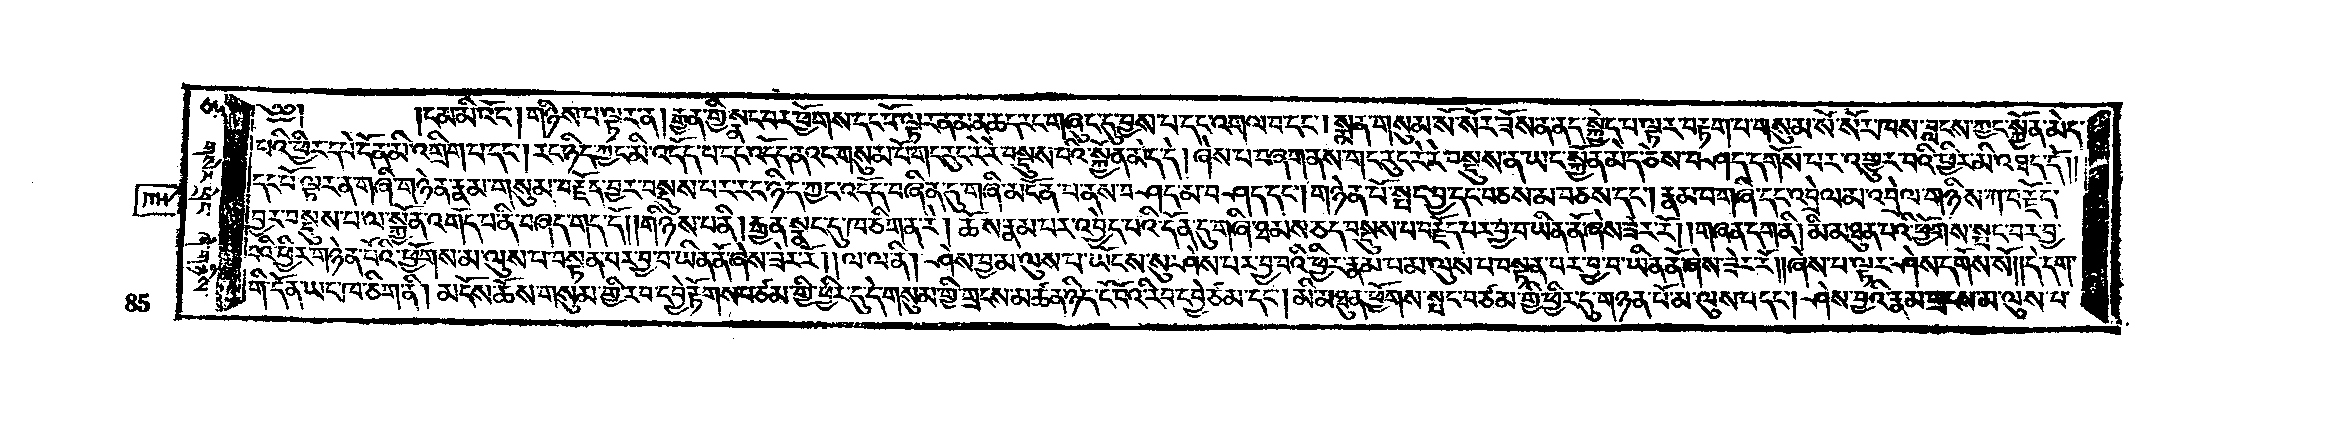༄༅། །ངམ་མི་འོང་། གཉིས་པ་ལྟར་ན། རྒྱན་གྱི་སྣང་བར་ཕྱོགས་དང་པོ་ལྟར་ན་མན་ཆད་རང་གཞུང་དུ་བྱས་པ་དང་འགལ་བ་དང་། སྨན་གསུམ་སོ་སོར་ཟོས་ན་ནད་སྐྱེད་པ་ལྟར་བརྟག་པ་གསུམ་སོ་སོར་ཁས་བླངས་ཀྱང་སྐྱོན་མེད་
པའི་ཕྱིར་དཔེ་དོན་མི་འགྲིག་པ་དང་། རང་ཉིད་ཀྱང་མི་འདོད་པ་དང་འདོད་ནའང་གསུམ་པོ་གང་རུང་རེ་རེ་བསྡུས་པའི་སྐྱོན་མེད་དེ། ཞེས་པ་བཞག་ནས་གང་རུང་རེ་རེ་བསྡུས་ན་ཡང་སྐྱོན་མེད་ཅེས་བཤད་དགོས་པར་འགྱུར་བའི་ཕྱིར་མི་འཐད་དོ། །
དང་པོ་ལྟར་ན་གཞི་གཉེན་རྣམ་གསུམ་བརྗོད་བྱར་བསྡུས་པར་རང་ཉིད་ཀྱང་འདོད་བཞིན་དུ་གཞི་མངོན་པ་ནས་བཤད་མ་བཤད་དང་། གཉེན་པོ་སྤང་བྱ་དང་བཅས་མ་བཅས་དང་། རྣམ་པ་གཞི་དང་འབྲེལ་མ་འབྲེལ་གཉིས་ཀ་བརྗོད་
བྱར་བསྡུས་པ་ལ་སྐྱོན་འགོད་པ་ནི་བཞད་གད་དོ། །གཉིས་པ་ནི། རྒྱན་སྣང་དུ་ཁ་ཅིག་ན་རེ། ཆོས་རྣམ་པར་འབྱེད་པའི་དོན་དུ་གཞི་ཐམས་ཅད་བསྡུས་པ་བརྗོད་པར་བྱ་བ་ཡིན་ནོ་ཞེས་ཟེར་རོ། །གཞན་དག་ནི། མི་མཐུན་པའི་ཕྱོགས་སྤང་བར་བྱ་
བའི་ཕྱིར་གཉེན་པོའི་ཕྱོགས་མ་ལུས་པ་བསྟན་པར་བྱ་བ་ཡིན་ནོ་ཞེས་ཟེར་རོ། །ལ་ལ་ནི། ཤེས་བྱ་མ་ལུས་པ་ཡོངས་སུ་ཤེས་པར་བྱ་བའི་ཕྱིར་རྣམ་པ་མ་ལུས་པ་བསྟན་པར་བྱ་བ་ཡིན་ནོ་ཞེས་ཟེར་རོ། །ཞེས་པ་ལྟར་ཤེས་དགོས་སོ། །དེ་དག་
གི་དོན་ཡང་ཁ་ཅིག་ནི། མངོས་ཆོས་གསུམ་གྱི་རབ་དབྱེ་རྟོགས་པ་ཙམ་གྱི་ཕྱིར་དུ་དེ་གསུམ་གྱི་གྲངས་མཚན་ཉིད་ངོ་བོའི་རབ་དབྱེ་ཙམ་དང་། མི་མཐུན་ཕྱོགས་སྤང་བ་ཙམ་གྱི་ཕྱིར་དུ་གཉེན་པོ་མ་ལུས་པ་དང་། ཤེས་བྱའི་རྣམ་གྲངས་མ་ལུས་པ་